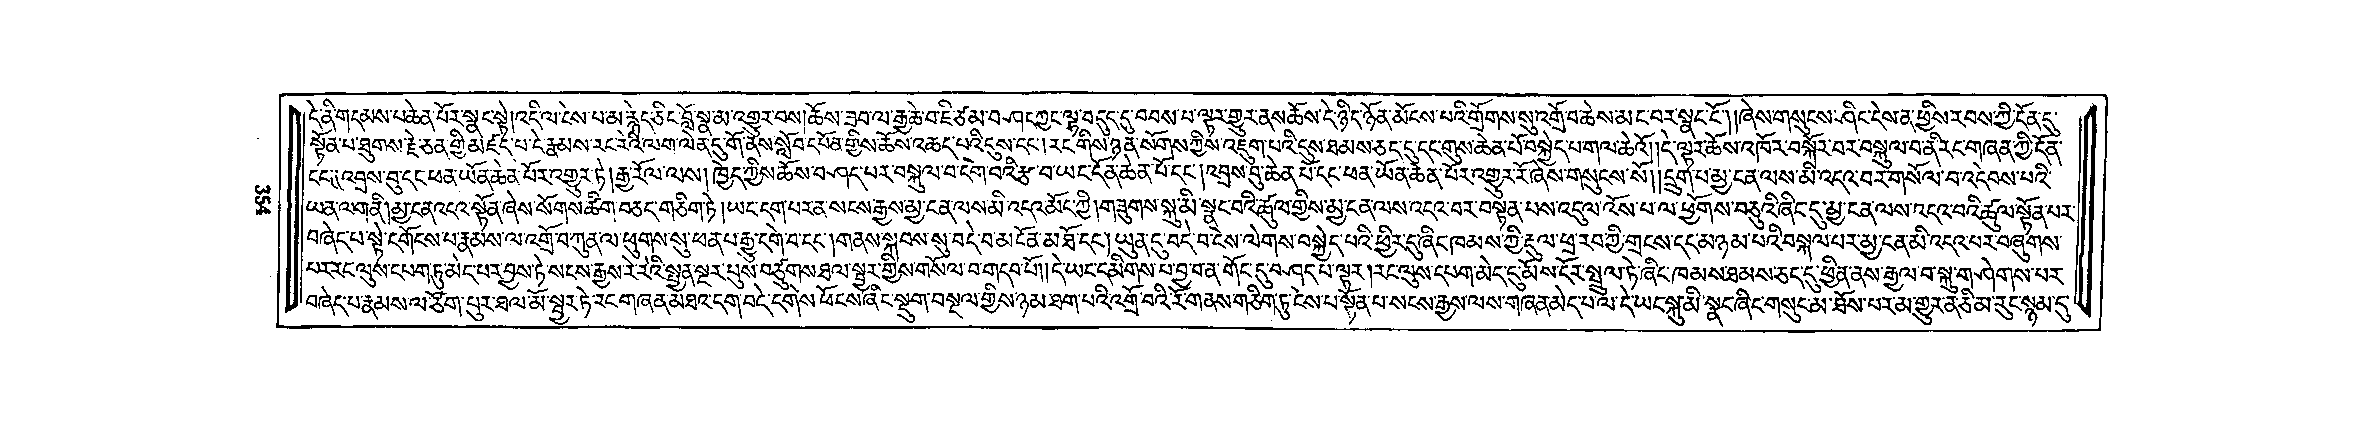དེ་ནི་གདམས་པ་ཆེན་པོར་སྣང་སྟེ། འདི་ལ་ངེས་པ་མ་རྙེད་ཅིང་བློ་སྣ་མ་འགྱུར་བས། ཆོས་ཟབ་ལ་རྒྱ་ཆེ་བ་ཇི་ཙམ་བཤད་ཀྱང་ལྷ་བདུད་དུ་བབས་པ་ལྟར་གྱུར་ནས་ཆོས་དེ་ཉིད་ཉོན་མོངས་པའི་གྲོགས་སུ་འགྲོ་བ་ཆེས་མང་བར་སྣང་ངོ། །ཞེས་གསུངས་ཤིང་དེས་ན་ཕྱིས་རབས་ཀྱི་དོན་དུ་
སྟོན་པ་ཐུགས་རྗེ་ཅན་གྱི་མཛད་པ་དེ་རྣམས་རང་རེའི་ལག་ལེན་དུ་གོ་ནས་སློབ་དཔོན་གྱིས་ཆོས་འཆད་པའི་དུས་དང་། རང་གིས་ཉན་སོགས་ཀྱིས་འཇུག་པའི་དུས་ཐམས་ཅད་དུ་དང་གུས་ཆེན་པོ་བསྐྱེད་པ་གལ་ཆེའོ། །དེ་ལྟར་ཆོས་འཁོར་བསྐོར་བར་བསྐུལ་བ་ནི་རང་གཞན་ཀྱི་དོན་
དང་། །འབྲས་བུ་དང་ཕན་ཡོན་ཆེན་པོར་འགྱུར་ཏེ། རྒྱ་རོལ་ལས། ཁྱེད་ཀྱིས་ཆོས་བཤད་པར་བསྐུལ་བ་དགེ་བའི་རྩ་བ་ཡང་དོན་ཆེན་པོ་དང་། འབྲས་བུ་ཆེན་པོ་དང་ཕན་ཡོན་ཆེན་པོར་འགྱུར་རོ་ཞེས་གསུངས་སོ། །དྲུག་པ་མྱ་ངན་ལས་མི་འདའ་བར་གསོལ་བ་འདེབས་པའི་
ཡན་ལག་ནི། མྱ་ངན་འདའ་སྟོན་ཞེས་སོགས་ཚིག་བཅད་གཅིག་ཏེ། ཡང་དག་པར་ན་སངས་རྒྱས་མྱ་ངན་ལས་མི་འདའ་མོད་ཀྱི། གཟུགས་སྐུ་མི་སྣང་བའི་ཚུལ་གྱིས་མྱ་ངན་ལས་འདའ་བར་བསྟན་པས་འདུལ་འོས་པ་ལ་ཕྱོགས་བཅུའི་ཞིང་དུ་མྱ་ངན་ལས་འདའ་བའི་ཚུལ་སྟོན་པར་
བཞེད་པ་སྟེ་དགོངས་པ་རྣམས་ལ་འགྲོ་བ་ཀུན་ལ་ཕུགས་སུ་ཕན་པ་རྒྱུ་དགེ་བ་དང་། གནས་སྐབས་སུ་བདེ་བ་མངོན་མཐོ་དང་། ཡུན་དུ་བདེ་བ་ངེས་ལེགས་བསྐྱེད་པའི་ཕྱིར་དུ་ཞིང་ཁམས་ཀྱི་རྡུལ་ཕྲ་རབ་ཀྱི་གྲངས་དང་མཉམ་པའི་བསྐལ་པར་མྱ་ངན་མི་འདའ་པར་བཞུགས་
པར་རང་ལུས་དཔག་ཏུ་མེད་པར་བྱས་ཏེ་སངས་རྒྱས་རེ་རེའི་སྤྱན་སྔར་པུས་བཙུགས་ཐལ་སྦྱར་གྱིས་གསོལ་བ་གདབ་པོ། །དེ་ཡང་དམིགས་པ་བྱ་བ་ན་གོང་དུ་བཤད་པ་ལྟར། རང་ལུས་དཔག་མེད་དུ་མོས་དོར་སྤྲུལ་ཏེ་ཞིང་ཁམས་ཐམས་ཅད་དུ་ཕྱིན་ནས་རྒྱལ་བ་སྐུ་གཤེགས་པར་
བཞེད་པ་རྣམས་ལ་ཙོག་པུར་ཐལ་མོ་སྦྱར་ཏེ་རང་གཞན་མཐའ་དག་བདེ་དགེས་ཕོངས་ཞིང་སྡུག་བསྔལ་གྱིས་ཉམ་ཐག་པའི་འགྲོ་བའི་རོ་གནས་གཅིག་ཏུ་ངེས་པ་སྟོན་པ་སངས་རྒྱས་ལས་གཞན་མེད་པ་ལ་དེ་ཡང་སྐུ་མི་སྣང་ཞིང་གསུང་མ་ཐོས་པར་མ་གྱུར་ན་ཅི་མ་རུང་སྙམ་དུ་